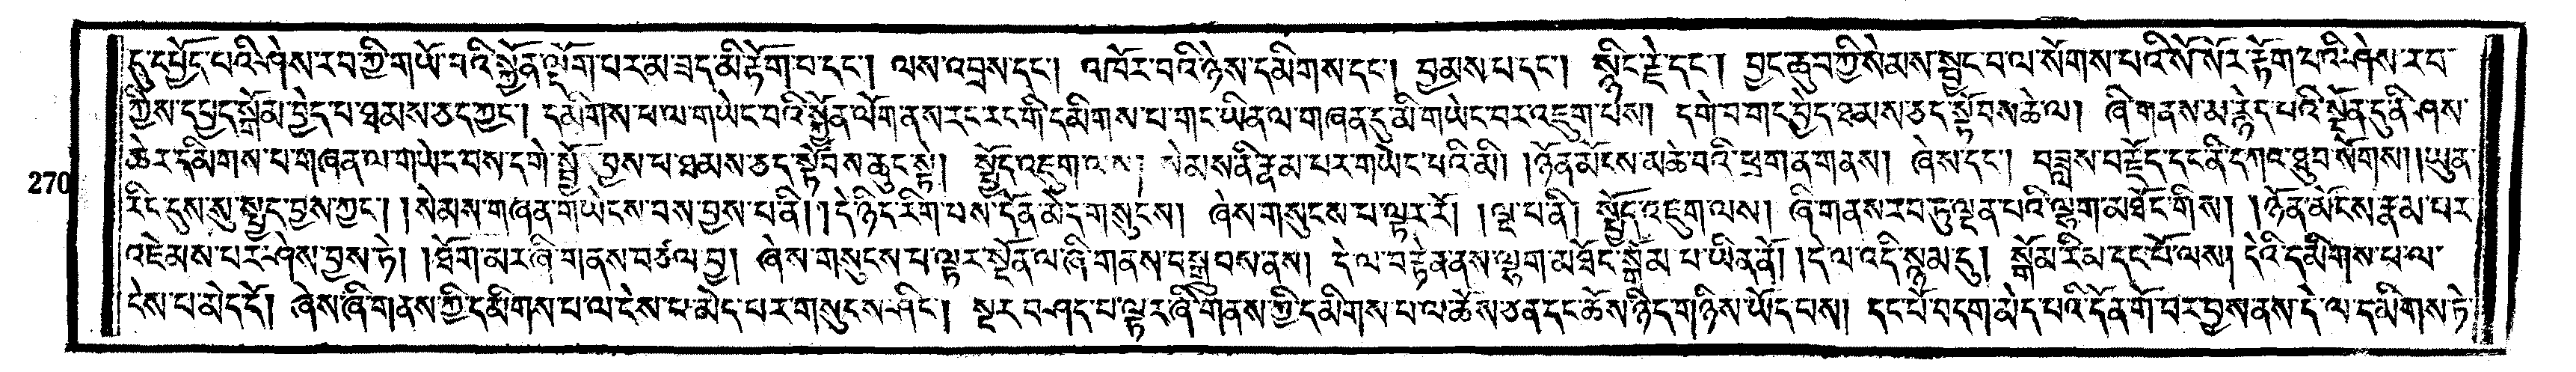དུ་དཔྱོད་པའི་ཤེས་རབ་ཀྱི་གཡོ་བའི་སྐྱོན་ལྡོག་པར་མ་ཟད་མི་རྟོག་པ་དང་། ལས་འབྲས་དང་། འཁོར་བའི་ཉེས་དམིགས་དང་།བྱམས་པ་དང་།སྙིང་རྗེ་དང་།བྱང་ཆུབ་ཀྱི་སེམས་སྦྱང་བ་ལ་སོགས་པའི་སོ་སོར་རྟོག་པའི་ཤེས་རབ་
ཀྱིས་དཔྱད་སྒོམ་བྱེད་པ་ཐམས་ཅད་ཀྱང་། དམིགས་པ་ལ་གཡེང་བའི་སྐྱོན་ལོག་ནས་རང་རང་གི་དམིགས་པ་གང་ཡིན་ལ་གཞན་དུ་མི་གཡེང་པར་འཇུག་པས། དགེ་བ་གང་བྱེད་ཐམས་ཅད་སྟོབས་ཆེ་ལ། ཞི་གནས་མ་རྙེད་པའི་སྔོན་དུ་ནི་ཤས་
ཆེར་དམིགས་པ་གཞན་ལ་གཡེང་བས་དགེ་སྦྱོར་བྱས་པ་ཐམས་ཅད་སྟོབས་ཆུང་སྟེ། སྤྱོད་འཇུག་ལས། སེམས་ནི་རྣམ་པར་གཡེང་པའི་མི། །ཉོན་མོངས་མཆེ་བའི་ཕྲག་ན་གནས། ཞེས་དང་། བཟླས་བརྗོད་དང་ནི་དཀའ་ཐུབ་སོགས། ཡུན་
རིང་དུས་སུ་སྤྱད་བྱས་ཀྱང་། །སེམས་གཞན་གཡེངས་བས་བྱས་པ་ནི། །དེ་ཉིད་རིག་པས་དོན་མེད་གསུངས། ཞེས་གསུངས་པ་ལྟར་རོ། །ལྔ་པ་ནི། སྤྱོད་འཇུག་ལས། ཞི་གནས་རབ་ཏུ་ལྡན་པའི་ལྷག་མཐོང་གིས། །ཉོན་མོངས་རྣམ་པར་
འཇེམས་པར་ཤེས་བྱས་ཏེ། །ཐོག་མར་ཞི་གནས་བཙལ་བྱ། ཞེས་གསུངས་པ་ལྟར་སྔོན་ལ་ཞི་གནས་བསྒྲུབས་ནས། དེ་ལ་བརྟེན་ནས་ལྷག་མཐོང་སྒོམ་པ་ཡིན་ནོ། །དེ་ལ་འདི་སྙམ་དུ། སྒོམ་རིམ་དང་པོ་ལས། དེའི་དམིགས་པ་ལ་
ངེས་པ་མེད་དོ། ཞེས་ཞི་གནས་ཀྱི་དམིགས་པ་ལ་ངེས་པ་མེད་པར་གསུངས་ཤིང་། སྔར་བཤད་པ་ལྟར་ཞི་གནས་ཀྱི་དམིགས་པ་ལ་ཆོས་ཅན་དང་ཆོས་ཉིད་གཉིས་ཡོད་པས། དང་པོ་བདག་མེད་པའི་དོན་གོ་བར་བྱས་ནས་དེ་ལ་དམིགས་ཏེ་